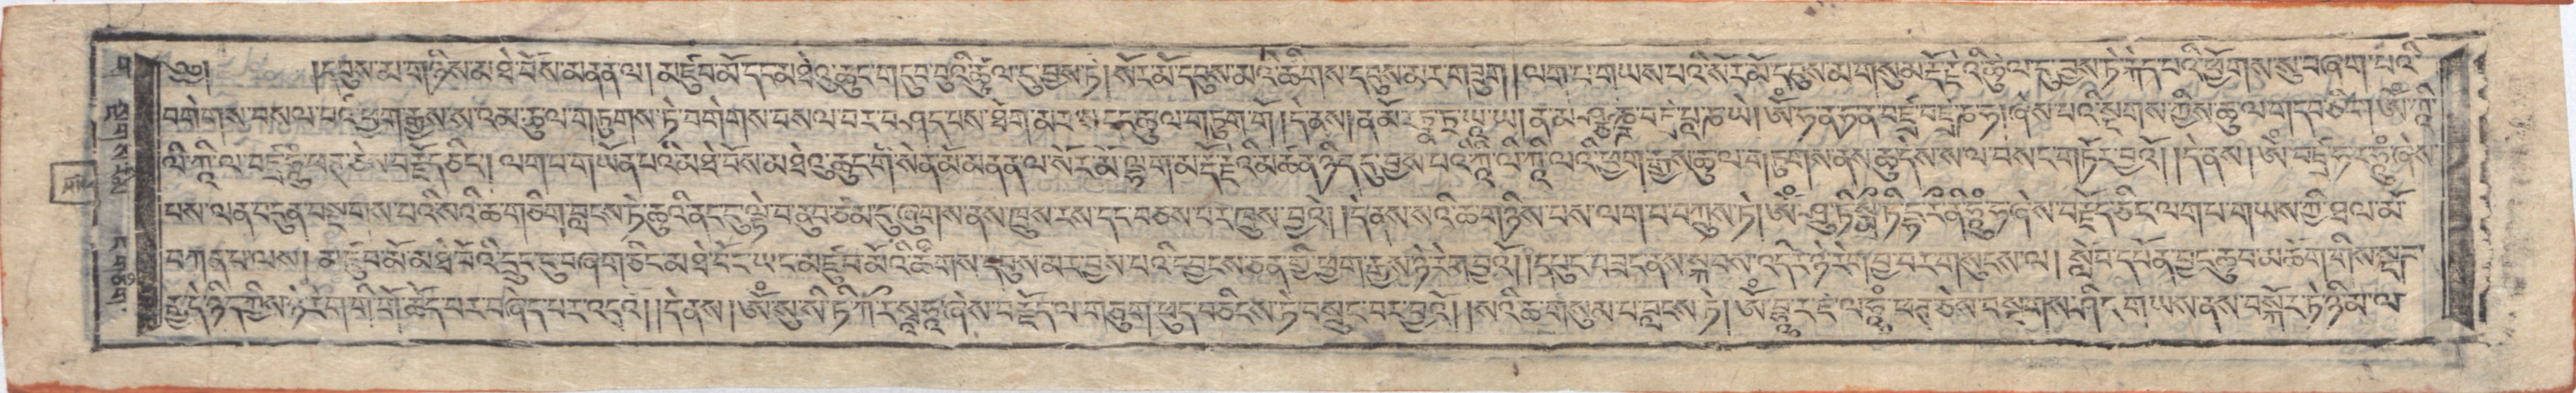༄༅། །དབུས་མ་གཉིས་མཐེ་བོས་མནན་ལ། མཛུབ་མོ་དང་མཐེའུ་ཆུང་གདུབ་བུའི་ཚུལ་དུ་བྱས་ཏེ། སོར་མོ་དབུས་མའི་ཚིགས་དབུས་མར་གཟུག །ལག་པ་གཡས་པའི་སོར་མོ་དབུས་མ་གསུམ་རྡོ་རྗེའི་ཚུལ་དུ་བྱས་ཏེ་རྐེད་པའི་ཕྱོགས་སུ་བཞག་པའི་
བགེགས་བསལ་བའི་ཕྱག་རྒྱས་ས་འམ་ཆུ་ལ་གཏུགས་ཏེ་བགེགས་བསལ་བར་བཤད་པས་ཐོག་མར་ས་དང་ཆུ་ལ་གཏུག་གོ །དེ་ནས། ན་མོ་རཏྣ་ཏྲ་ཡཱ་ཡ། ན་མ་ཤྩཎྜ་བཛྲ་པཱ་ཎ་ཡེ། ཨོཾ་ཧ་ན་ཧ་ན་བཛྲ་བཛྲ་ཎ་ཧ། ཞེས་པའི་སྔགས་ཀྱིས་ཆུ་ལ་གདབ་ཅིང་། ཨོཾ་ཀཱི་
ལི་ཀཱི་ལ་བཛྲ་ཧཱུཾ་ཕཊ་ཅེས་བརྗོད་ཅིང་། ལག་པ་གཡོན་པའི་མཐེ་བོས་མཐེའུ་ཆུང་གི་སེན་མོ་མནན་ལ་སོར་མོ་ལྷག་མ་རྡོ་རྗེའི་མཚན་ཉིད་དུ་བྱས་པའི་ཀཱི་ལི་ཀཱི་ལའི་ཕྱག་རྒྱས་ཆུ་ལ་གཏུགས་ནས་ཆུ་དེས་ས་ལ་བསང་གཏོར་བྱའོ། །དེ་ནས། ཨོཾ་བཛྲ་ཧ་ར་ཧཱུཾ་ཞེས་
པས་ལན་བདུན་བསྔགས་པའི་སའི་ཆ་གཅིག་བླངས་ཏེ་ཆུའི་ནང་དུ་ལྟེ་བ་ནུབ་ཙམ་དུ་ཞུགས་ནས་ཁྲུས་རས་དང་བཅས་པར་ཁྲུས་བྱའོ། །དེ་ནས་སའི་ཆ་གཉིས་པས་ལག་པ་བཀྲུས་ཏེ། ཨོཾ་ཤྲུ་ཏི་སྨྲྀ་ཏི་དྷ་རྀ་ནི་ཧཱུཾ་ཧ་ཞེས་བརྗོད་ཅིང་ལག་པ་གཡས་ཀྱི་ཐལ་མོ་
བཀན་པ་ལས། མཛུབ་མོ་མཐེ་བོའི་དྲུང་དུ་བཞག་ཅིང་མཐེ་བོང་ཡང་མཛུབ་མོའི་ཚིགས་དབུས་མར་བྱས་པའི་དབྱངས་ཅན་གྱི་ཕྱག་རྒྱས་ཉེ་རེག་བྱའོ། །དཔུང་བཟང་ནས་སྐབས་འདིར་ཉེ་རེག་བྱ་བར་གསུངས་ལ།
སློབ་དཔོན་བྱང་ཆུབ་མཆོག་གིས་སྔགས་རྒྱ་དེ་ཉིད་ཀྱིས་ཉེ་རེག་གི་གོ་ཆོད་པར་བཞེད་པར་འདྲའོ། །དེ་ནས། ཨོཾ་སུ་སི་ཏི་ཀྀ་ར་སྭཱཧཱ་ཞེས་བརྗོད་ལ་གཅུག་ཕུད་བཅིངས་ཏེ་བསྲུང་བར་བྱའོ། །སའི་ཆ་གསུམ་པ་བླངས་ཏེ། ཨོཾ་བྷཱུ་ར་ཛོ་ལ་ཧཱུཾ་ཕཊ་ཅེས་བསྔགས་ཤིང་གཡས་ནས་བསྐོར་ཏེ་ཉི་མ་ལ་